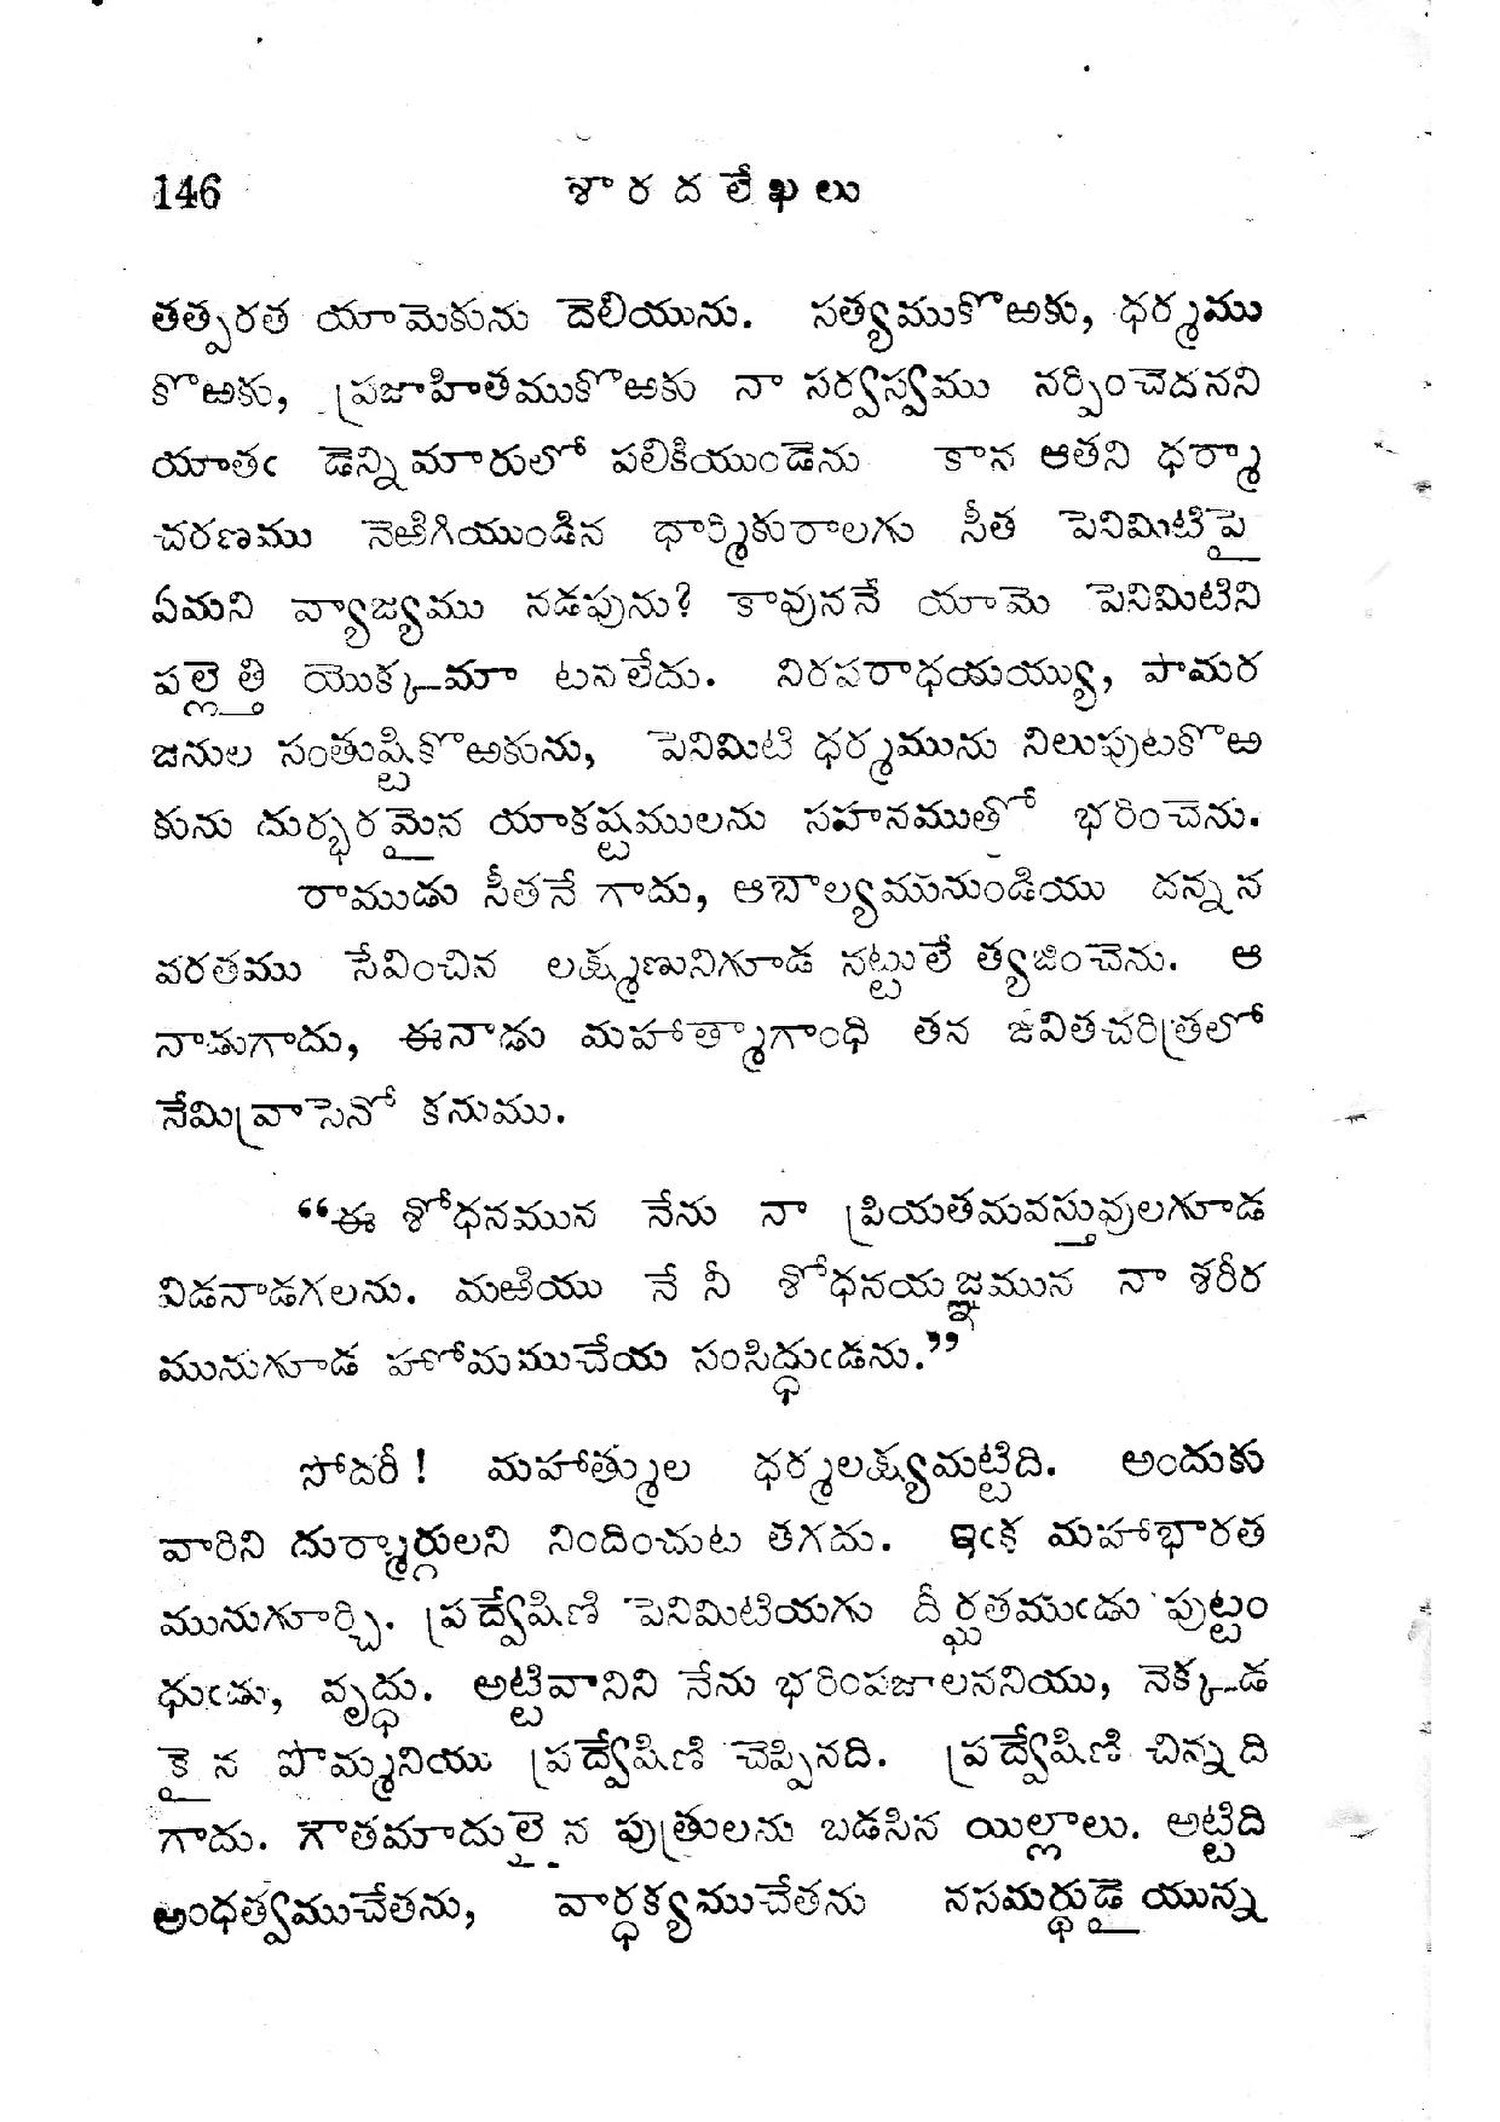తత్పరత యామెకును దెలియును. సత్యముకొఱకు, ధర్మముకొఱకు, ప్రజాహితముకొఱకు నా సర్వస్వము నర్పించెదనని యాతఁ డెన్నిమారులో పలికియుండెను కాన ఆతని ధర్మాచరణము నెఱిగియుండిన ధార్మికురాలగు సీత పెనిమిటిపై ఏమని వ్యాజ్యము నడపును? కావుననే యామె పెనిమిటిని పల్లెత్తి యొక్కమా టనలేదు. నిరపరాధయయ్యు, పామరజనుల సంతుష్టికొఱకును, పెనిమిటి ధర్మమును నిలుపుటకొఱకును దుర్భరమైన యాకష్టములను సహనముతో భరించెను.

రాముడు సీతనే గాదు, ఆబాల్యమునుండియు దన్ననవరతము సేవించిన లక్ష్మణునిగూడ నట్టులే త్యజించెను. ఆ నాడుగాదు, ఈనాడు మహాత్మాగాంధి తన జీవితచరిత్రలో నేమివ్రాసెనో కనుము.

"ఈ శోధనమున నేను నా ప్రియతమవస్తువులగూడ విడనాడగలను. మఱియు నే నీ శోధనయజ్ఞమున నా శరీరమునుగూడ హోమముచేయ సంసిద్ధుఁడను.”

సోదరీ! మహాత్ముల ధర్మలక్ష్యమట్టిది. అందుకు వారిని దుర్మార్గులని నిందించుట తగదు. ఇఁక మహాభారతమునుగూర్చి, ప్రద్వేషిణి పెనిమిటియగు దీర్ఘతముఁడు పుట్టంధుఁడు, వృద్ధు. అట్టివానిని నేను భరింపజాలననియు, నెక్కడకైన పొమ్మనియు ప్రద్వేషిణి చెప్పినది. ప్రద్వేషిణి చిన్నదిగాదు. గౌతమాదులైన పుత్రులను బడసిన యిల్లాలు. అట్టిది అంధత్వముచేతను, వార్ధక్యముచేతను ససమర్థుడై యున్న